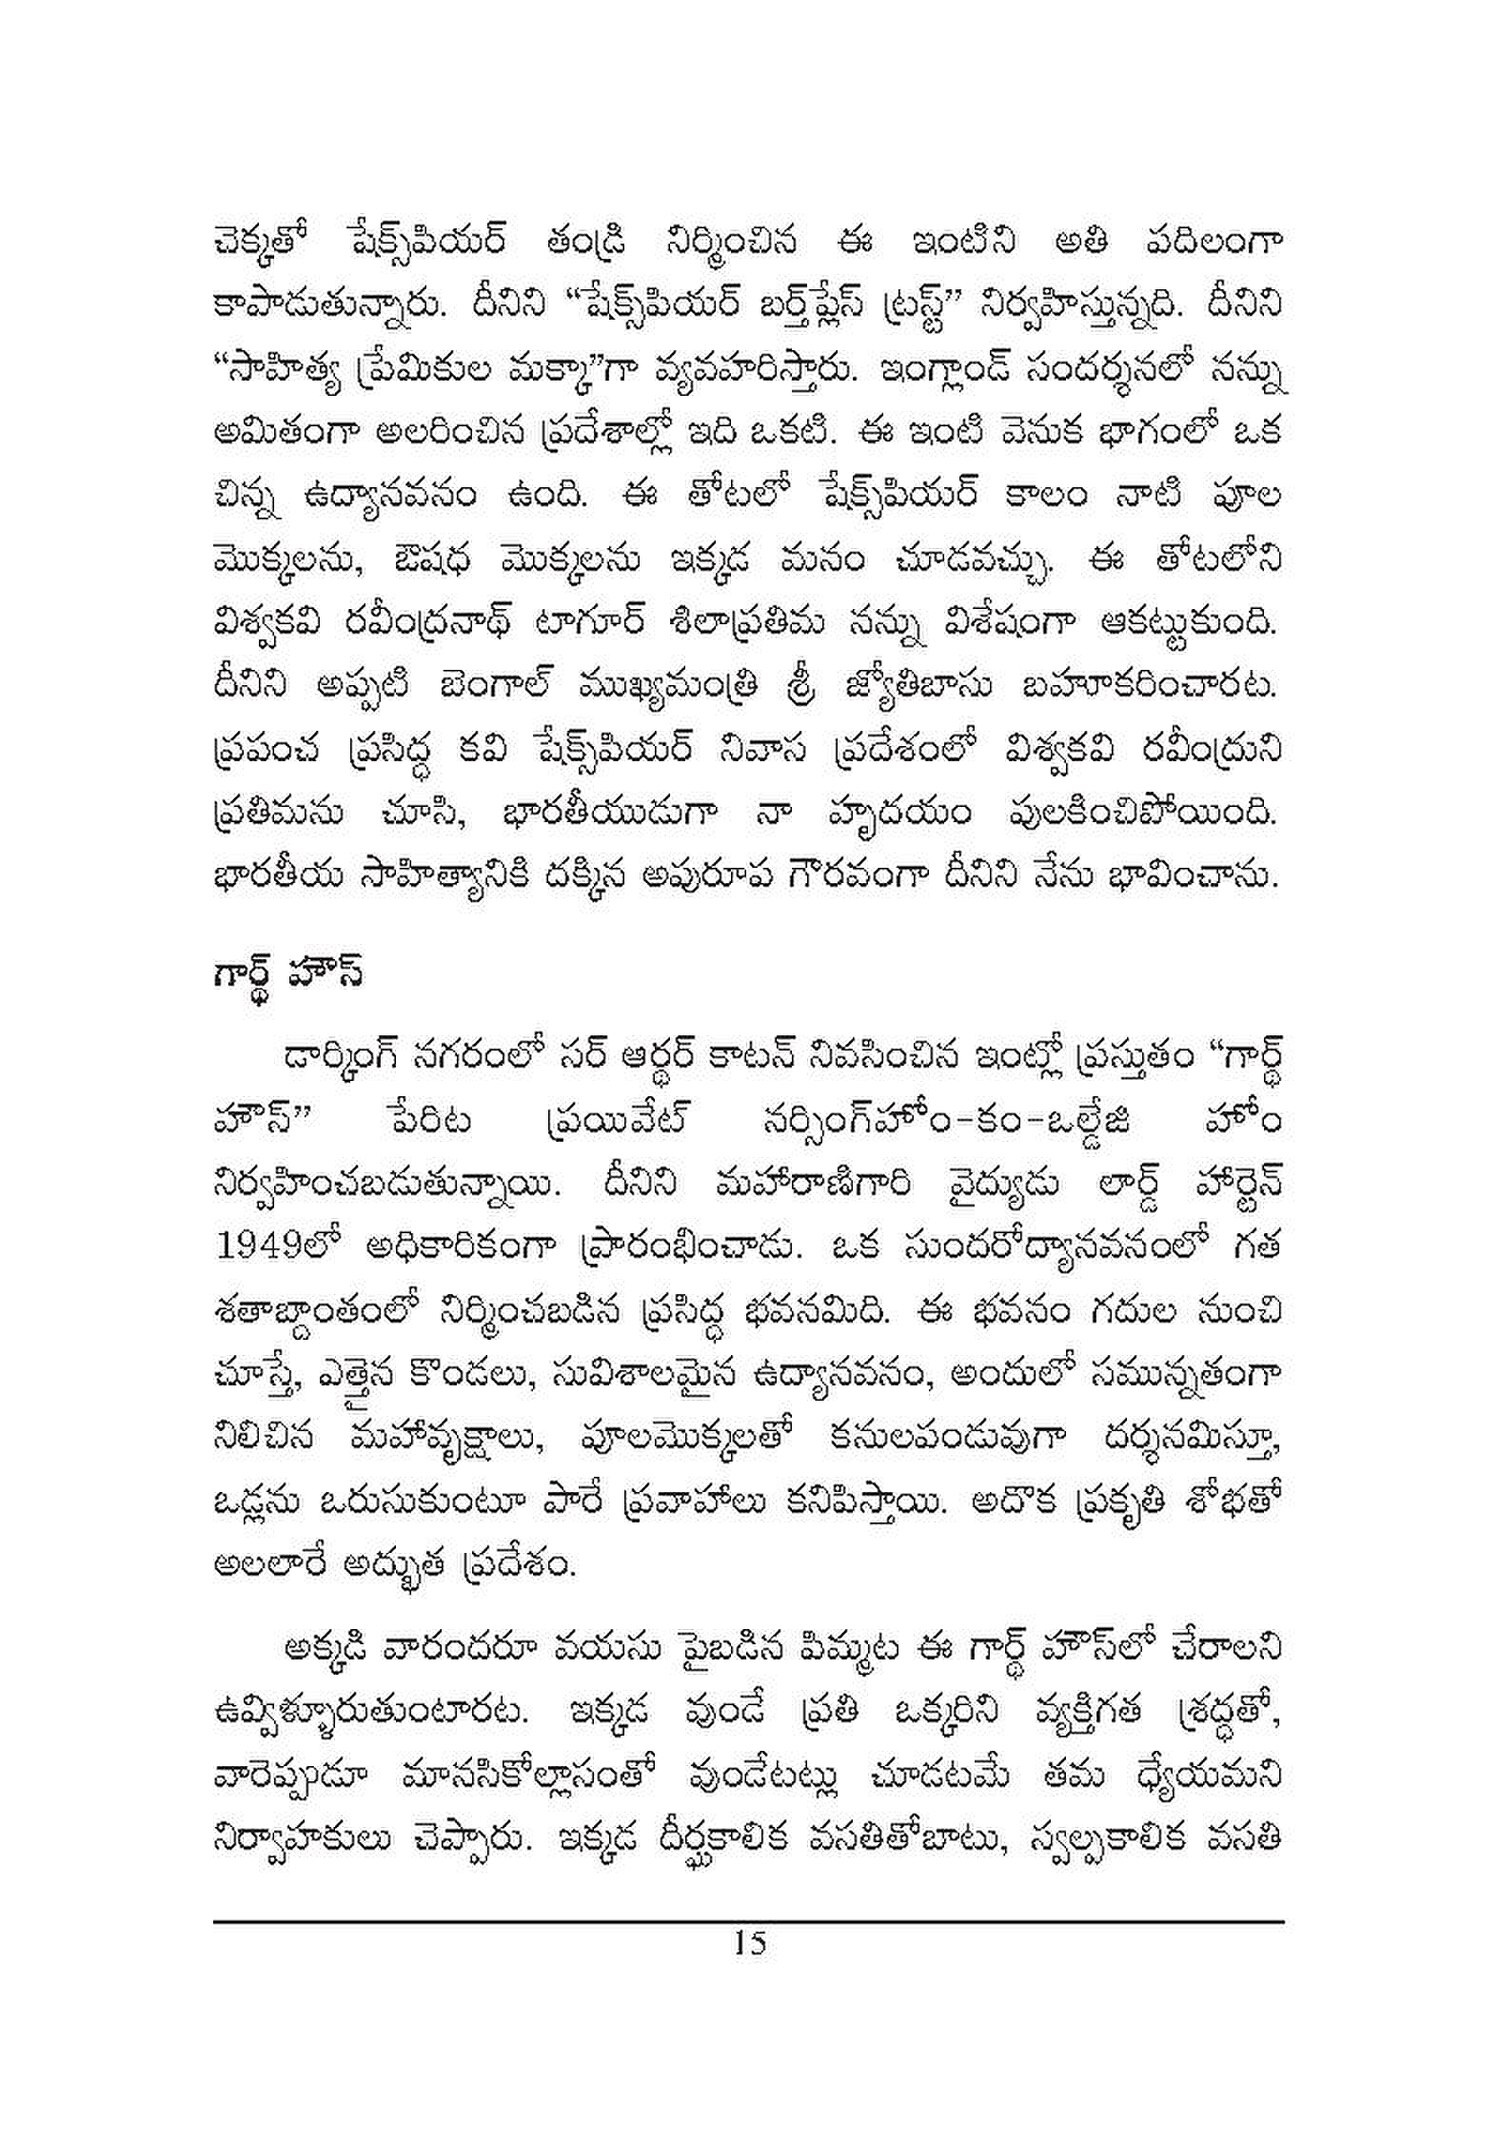చెక్కతో షేక్స్‌పియర్ తండ్రి నిర్మించిన ఈ ఇంటిని అతి పదిలంగా కాపాడుతున్నారు. దీనిని "షేక్స్‌పియర్ బర్త్ ప్లేస్ ట్రస్ట్" నిర్వహిస్తున్నది. దీనిని "సాహిత్య ప్రేమికుల మక్కా"గా వ్యవహరిస్తారు. ఇంగ్లాండ్ సందర్శనలో నన్ను అమితంగా అలరించిన ప్రదేశాల్లో ఇది ఒకటి. ఈ ఇంటి వెనుక భాగంలో ఒక చిన్న ఉద్యానవనం ఉంది. ఈ తోటలో పేక్స్పియర్ కాలం నాటి పూల మొక్కలను, ఔషధ మొక్కలను ఇక్కడ మనం చూడవచ్చు. ఈ తోటలోని విశ్వకవి రవీంద్రనాథ్ టాగూర్ శిలాప్రతిమ నన్ను విశేషంగా ఆకట్టుకుంది. దీనిని అప్పటి బెంగాల్ ముఖ్యమంత్రి శ్రీ జ్యోతిబాసు బహూకరించారట. ప్రపంచ ప్రసిద్ధ కవి పేక్స్పియర్ నివాస ప్రదేశంలో విశ్వకవి రవీంద్రుని ప్రతిమను చూసి, భారతీయుడుగా నా హృదయం పులకించిపోయింది. భారతీయ సాహిత్యానికి దక్కిన అపురూప గౌరవంగా దీనిని నేను భావించాను. 

గార్థ్ హౌస్ 

డార్కింగ్ నగరంలో సర్ ఆర్థర్ కాటన్ నివసించిన ఇంట్లో ప్రస్తుతం " హౌస్’ పేరిట ప్రయివేట్ నర్సింగ్హోం-కం-ఒల్టేజి హోం నిర్వహించబడుతున్నాయి. దీనిని మహారాణిగారి వైద్యుడు లార్డ్ హార్డెన్ 1949లో అధికారికంగా ప్రారంభించాడు. ఒక సుందరోద్యానవనంలో గత శతాబ్దాంతంలో నిర్మించబడిన ప్రసిద్ధ భవనమిది. ఈ భవనం గదుల నుంచి చూస్తే, ఎత్తైన కొండలు, సువిశాలమైన ఉద్యానవనం, అందులో సమున్నతంగా నిలిచిన మహావృక్షాలు, పూలమొక్కలతో కనులపండువుగా దర్శనమిస్తూ, ఒడ్లను ఒరుసుకుంటూ పారే ప్రవాహాలు కనిపిస్తాయి. అదొక ప్రకృతి శోభతో అలలారే అద్భుత ప్రదేశం. అక్కడి వారందరూ వయసు పైబడిన పిమ్మట ఈ గార్థ్ హౌస్లో చేరాలని ఉవ్విళ్ళూరుతుంటారట. ఇక్కడ వుండే ప్రతి ఒక్కరిని వ్యక్తిగత శ్రద్ధతో, వారెప్పడూ మానసికోల్లాసంతో వుండేటట్లు చూడటమే తమ ధ్యేయమని నిర్వాహకులు చెప్పారు. ఇక్కడ దీర్ఘకాలిక వసతితోబాటు, స్వల్పకాలిక వసతి